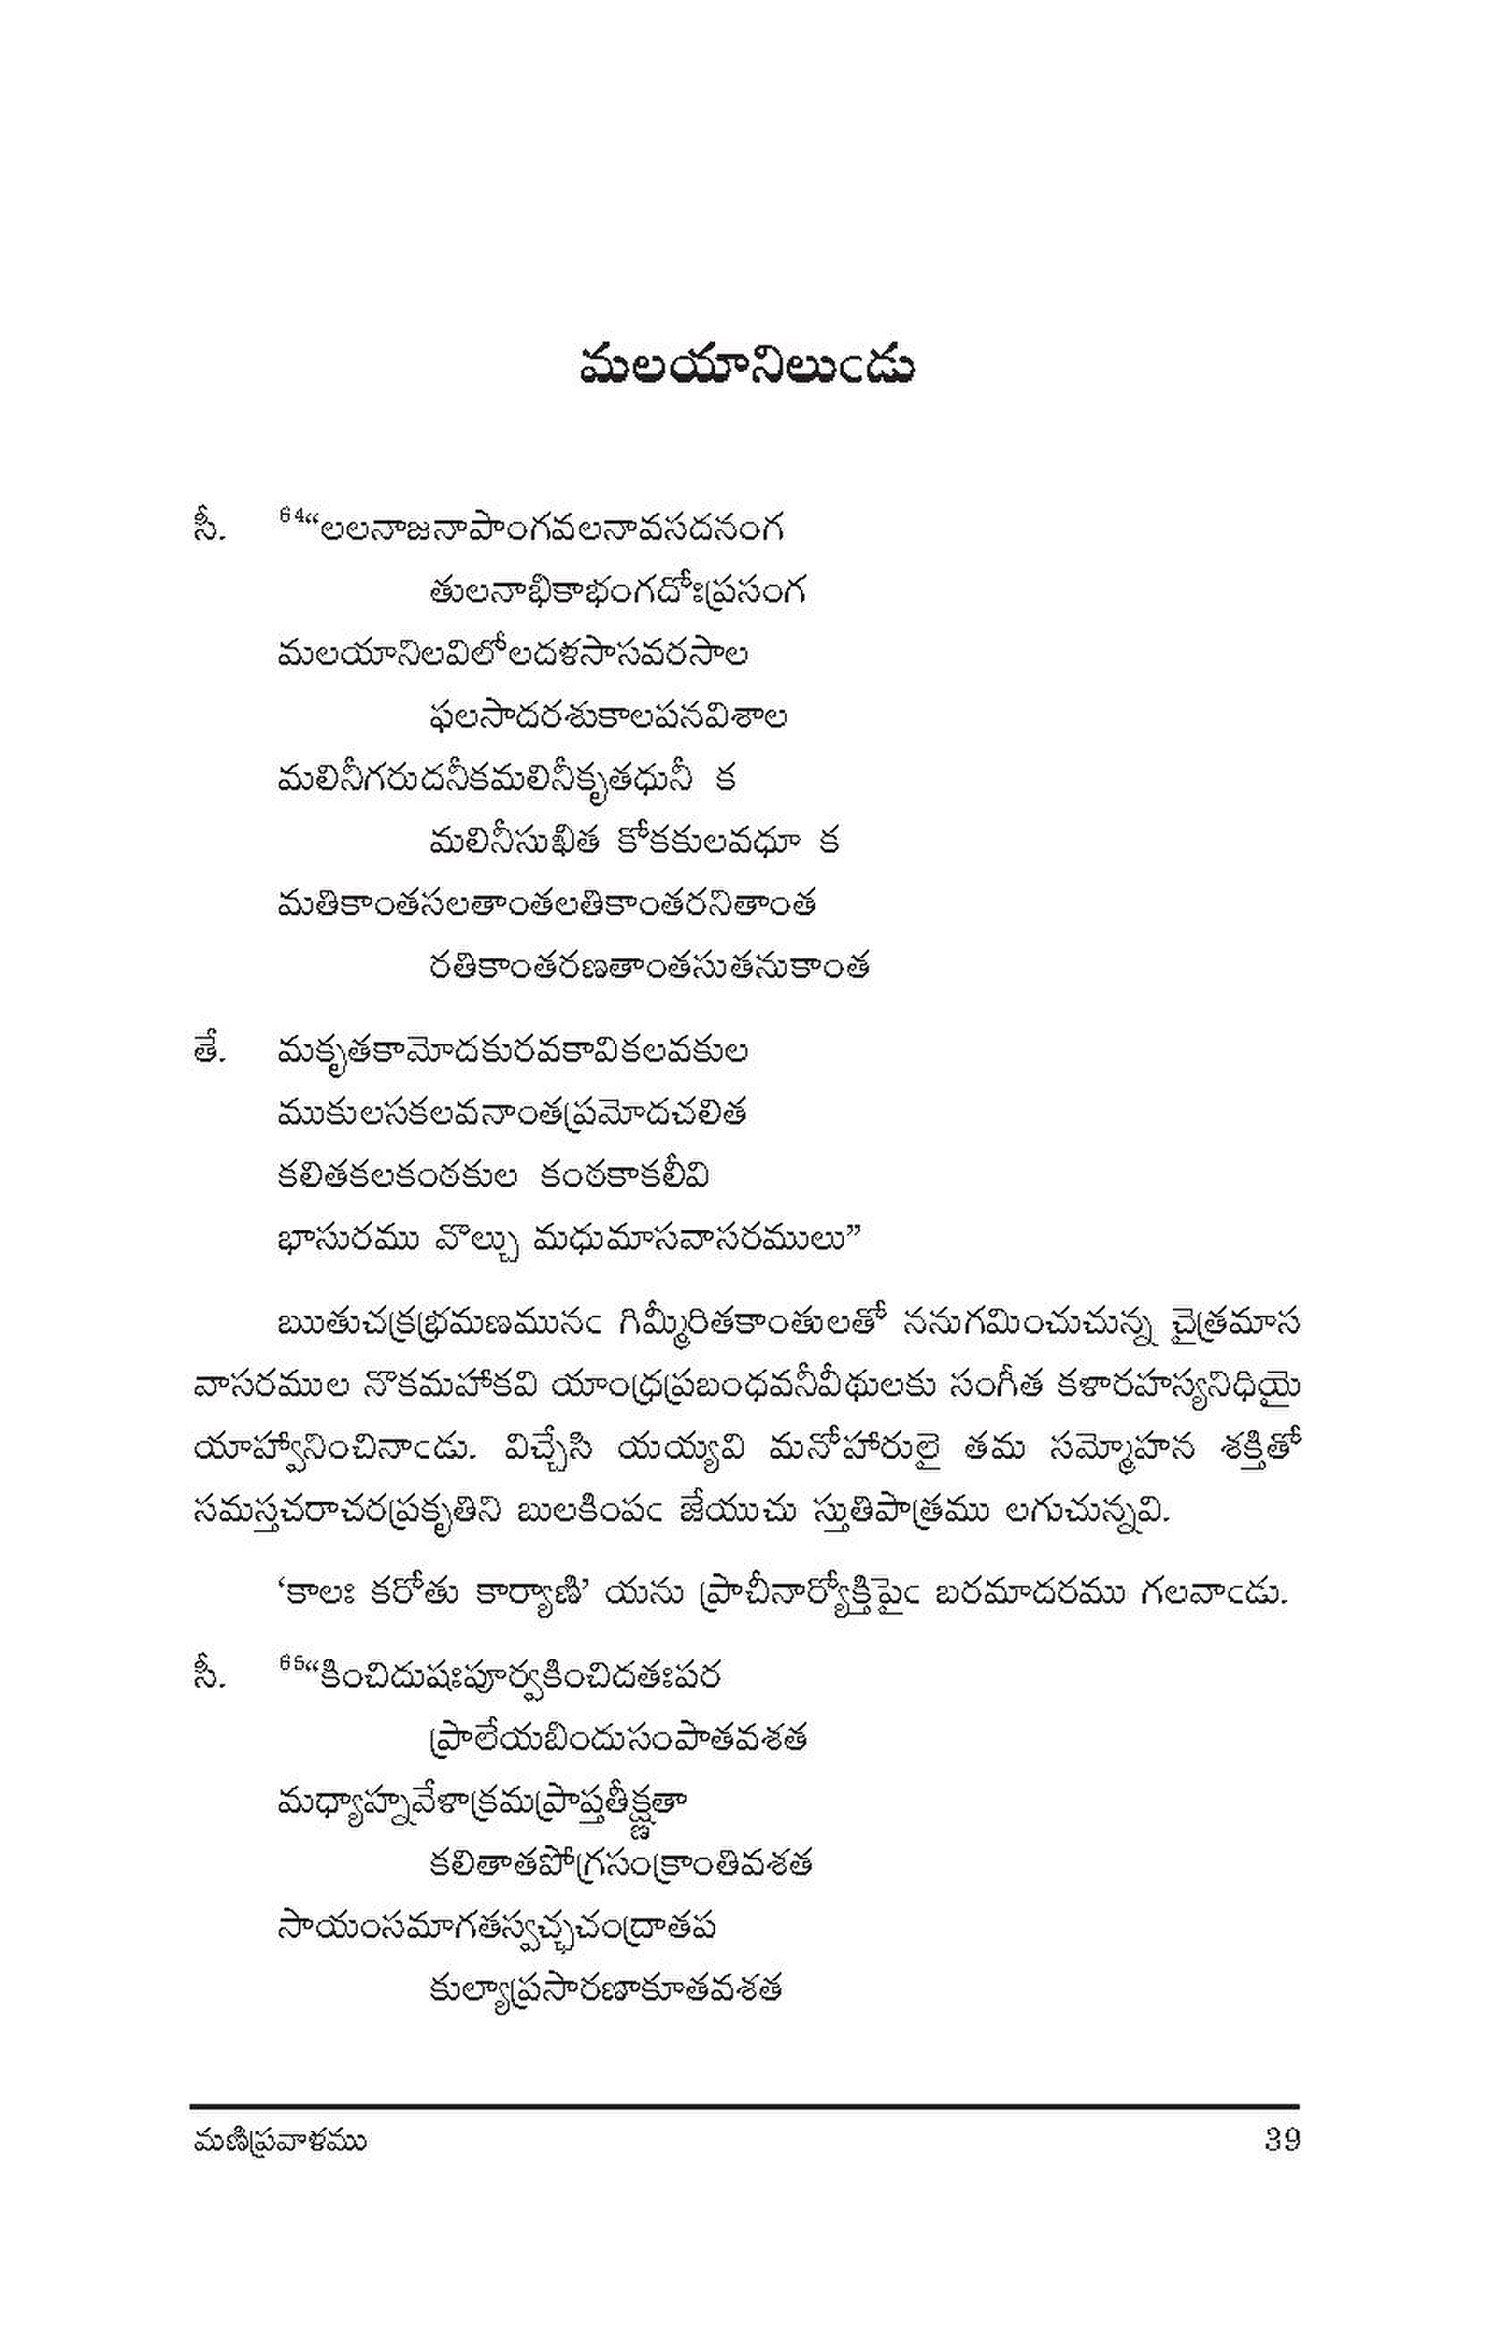సీ. లలనాజనాపాంగవలనావసదనంగ
 తులనాభికాభంగదోఃప్రసంగ
 మలయానిలవిలోలదళసాసవరసాల
 ఫలసాదరశుకాలపనవిశాల
 మలినీగరుదనీకమలినీకృతధునీ క
 మలినీసుఖిత కోకకులవధూ క
 మతికాంతసలతాంతలతికాంతరనితాంత
 రతికాంతరణతాంతసుతనుకాంత

తే. మకృతకామోదకురవకావికలవకుల
 ముకులసకలవనాంతప్రమోదచలిత
 కలితకలకంఠకుల కంఠకాకలీవి
 భాసురము వొల్చు మధుమాసవాసరములు”

ఋతుచక్రభ్రమణమునఁ గిమ్మిరితకాంతులతో ననుగమించుచున్న చైత్రమాస
వాసరముల నొకమహాకవి యాంధ్రప్రబంధవనీవీథులకు సంగీత కళారహస్యనిధియై
యాహ్వానించినాఁడు. విచ్చేసి యయ్యవి మనోహారులై తమ సమ్మోహన శక్తితో
సమస్తచరాచరప్రకృతిని బులకింపఁ జేయుచు స్తుతిపాత్రము లగుచున్నవి.

'కాలః కరోతు కార్యాణి' యను ప్రాచీనార్యోక్తిపైఁ బరమాదరము గలవాఁడు.

సీ. కించిదుషఃపూర్వకించిదతఃపర
 ప్రాలేయబిందుసంపాతవశత
 మధ్యాహ్నవేళాక్రమప్రాప్తతీక్ష్ణతా 
 కలితాతపోగ్రసంక్రాంతివశత
 సాయంసమాగతస్వచ్ఛచంద్రాతప
 కుల్యాప్రసారణాకూతవశత